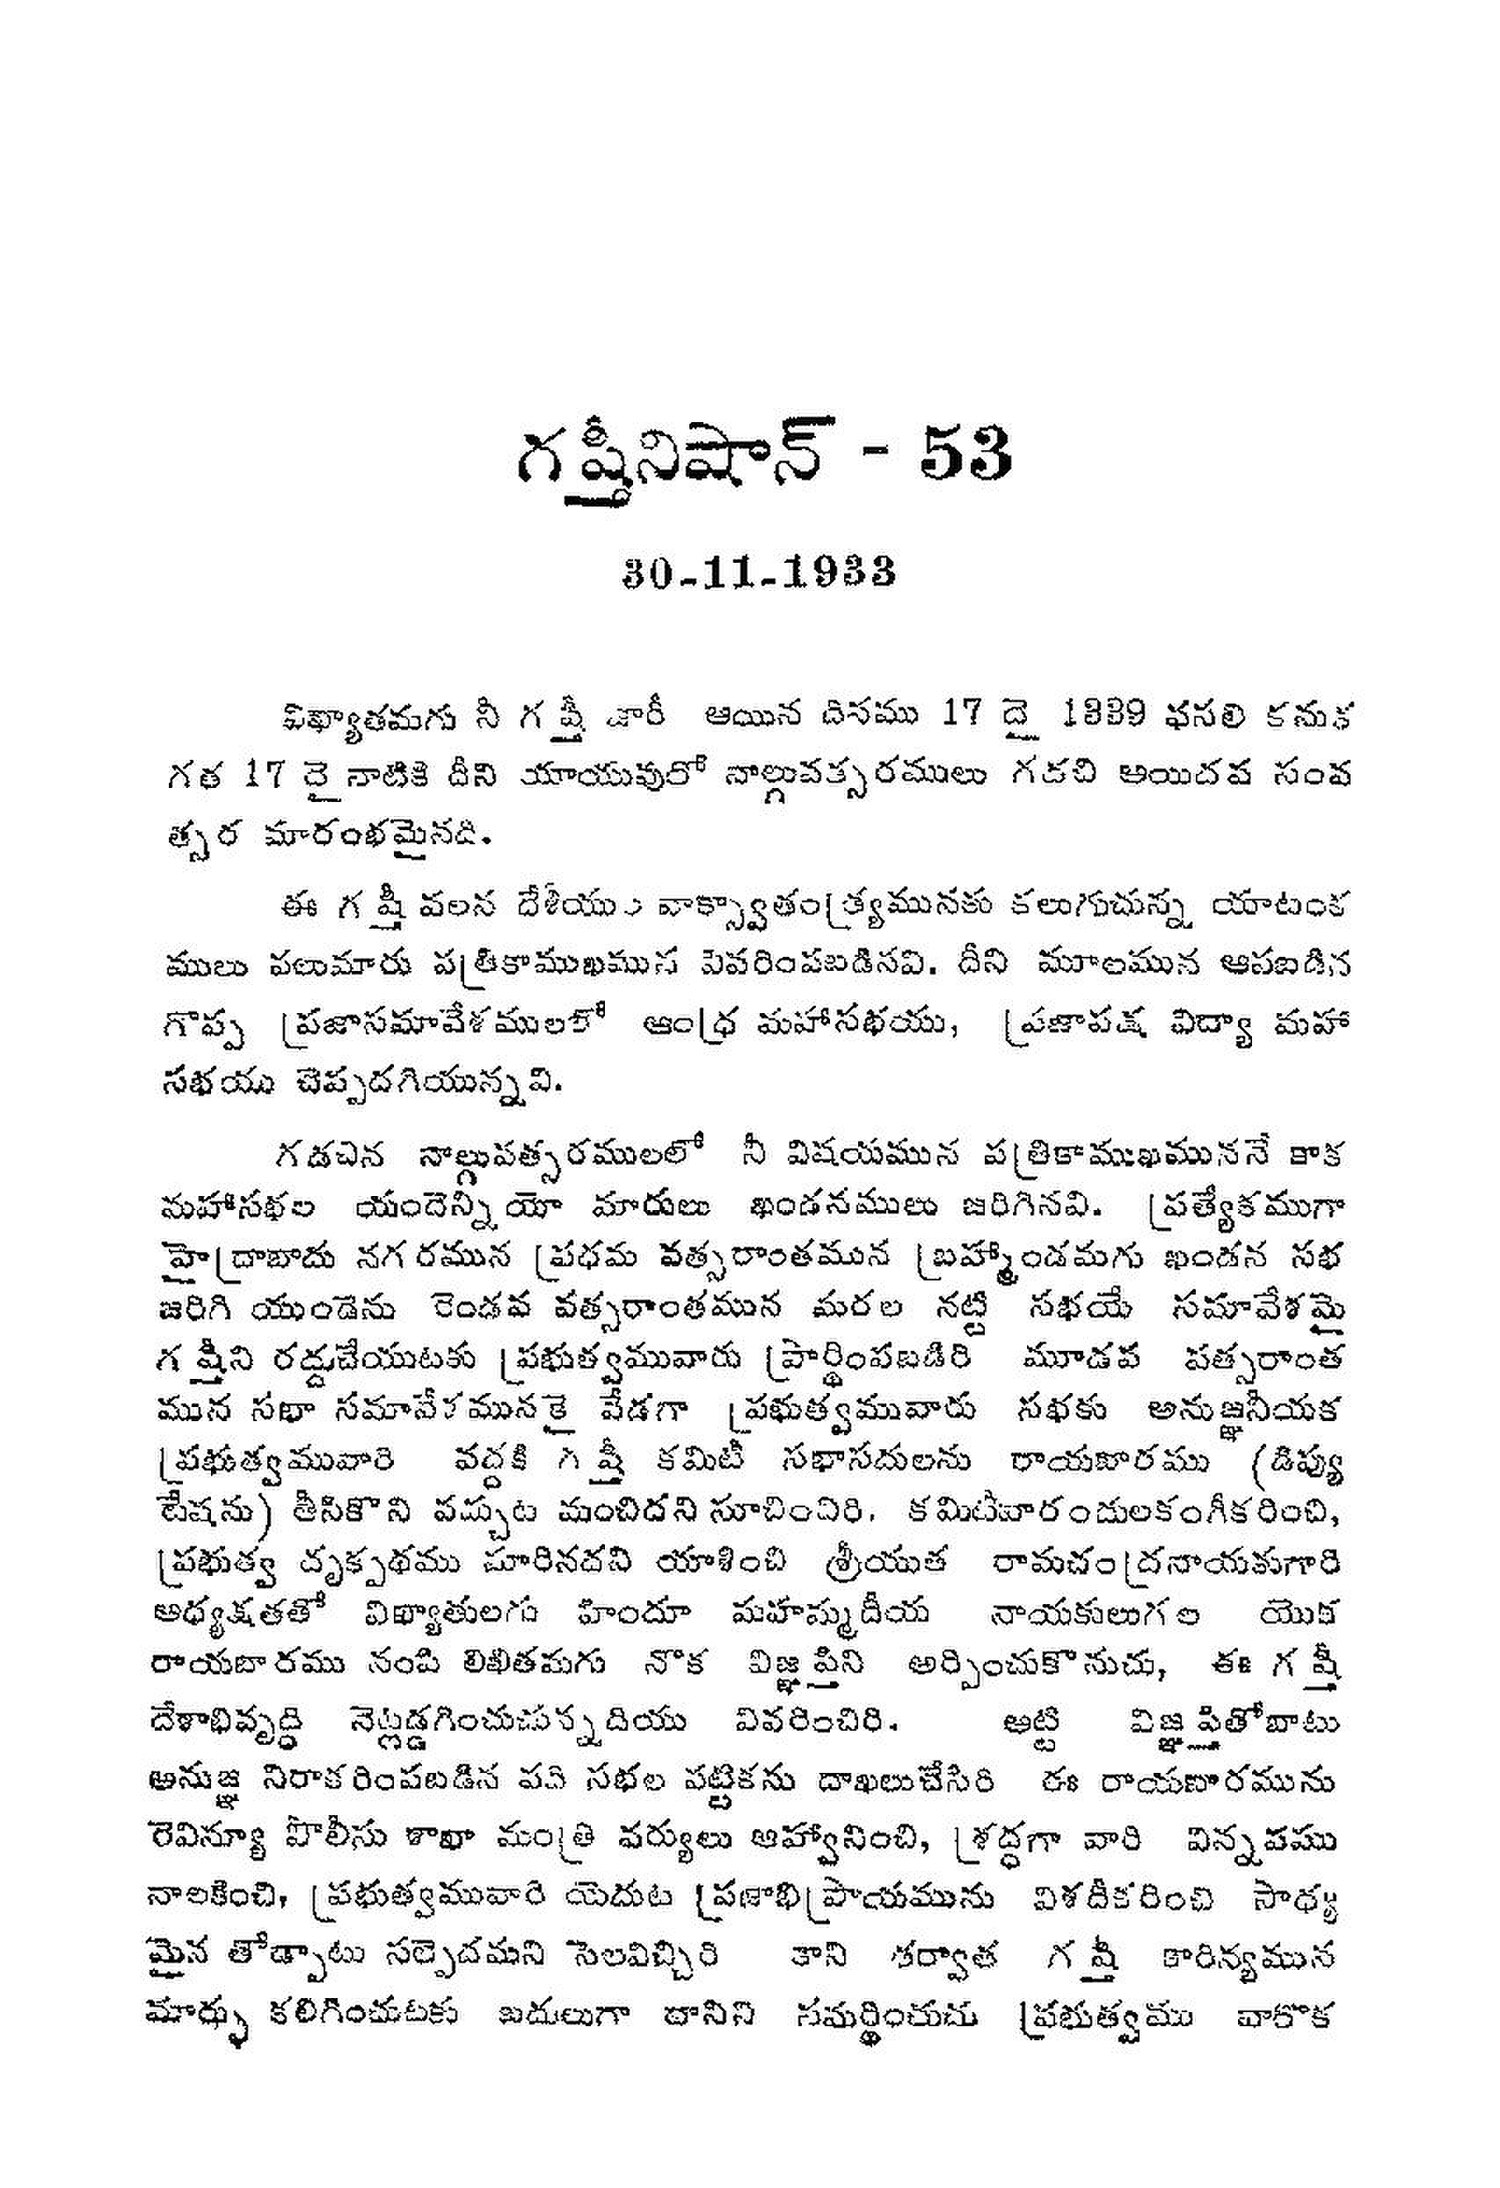గష్తీనిషాన్ - 53

30 - 11 - 1933

విఖ్యాతమగు నీ గష్తీ జారీ అయిన దినము 17 దై 1339 ఫసలి కనుక గత 17 దైనాటికి దీని యాయువులో నాల్గువత్సరములు గడచి అయిదవ సంవత్సర మారంభమైనది.

ఈ గష్తీ వలన దేశీయుల వాక్స్వాతంత్ర్యమునకు కలుగుచున్న యాటంకములు పలుమారు పత్రికాముఖమున వివరింపబడినవి. దీని మూలమున ఆపబడిన గొప్ప ప్రజాసమావేశములలో ఆంధ్ర మహాసభయు, ప్రజాపక్ష విద్యా మహాసభయు చెప్పదగియున్నవి.

గడచిన నాల్గువత్సరములలో నీ విషయమున పత్రికాముఖముననే కాక మహాసభల యందెన్నియో మారులు ఖండనములు జరిగినవి. ప్రత్యేకముగా హైద్రాబాదు నగరమున ప్రధమ వత్సరాంతమున బ్రహ్మాండమగు ఖండన సభ జరిగి యుండెను రెండవ వత్సరాంతమున మరల నట్టి సభయే సమావేశమై గష్తీని రద్దుచేయుటకు ప్రభుత్వమువారు ప్రార్థింపబడిరి మూడవ వత్సరాంతమున సభా సమావేశమునకై వేడగా ప్రభుత్వమువారు సభకు అనుజ్ఞనీయక ప్రభుత్వమువారి వద్దకి గిష్తీ కమిటీ సభాసదులను రాయబారము (డిప్యుటేషను) తీసికొని వచ్చుట మంచిదని సూచించిరి. కమిటీవారందులకంగీకరించి, ప్రభుత్వ దృక్పథము మారినదని యాశించి శ్రీయుత రామచంద్రనాయకుగారి అధ్యక్షతతో విఖ్యాతులగు హిందూ మహమ్మదీయ నాయకులుగల యొక రాయబారము నంపి లిఖితమగు నొక విజ్ఞప్తిని అర్పించుకొనుచు, ఈ గష్తీ దేశాభివృద్ధి నెట్లడ్డగించుచున్నదియు వివరించిరి. అట్టి విజ్ఞప్తితోబాటు అనుజ్ఞ నిరాకరింపబడిన పది సభల పట్టికను దాఖలు చేసిరి ఈ రాయబారమును రెవిన్యూ పొలీసు శాఖా మంత్రి వర్యులు ఆహ్వానించి, శ్రద్ధగా వారి విన్నపము నాలకించి, ప్రభుత్వమువారి యెదుట ప్రజాభిప్రాయమును విశదీకరించి సాధ్యమైన తోడ్పాటు సల్పెదమని సెలవిచ్చిరి కాని తర్వాత గష్తీ కాఠిన్యమున మార్పు కలిగించుటకు బదులుగా దానిని సమర్థించుచు ప్రభుత్వము వారొక